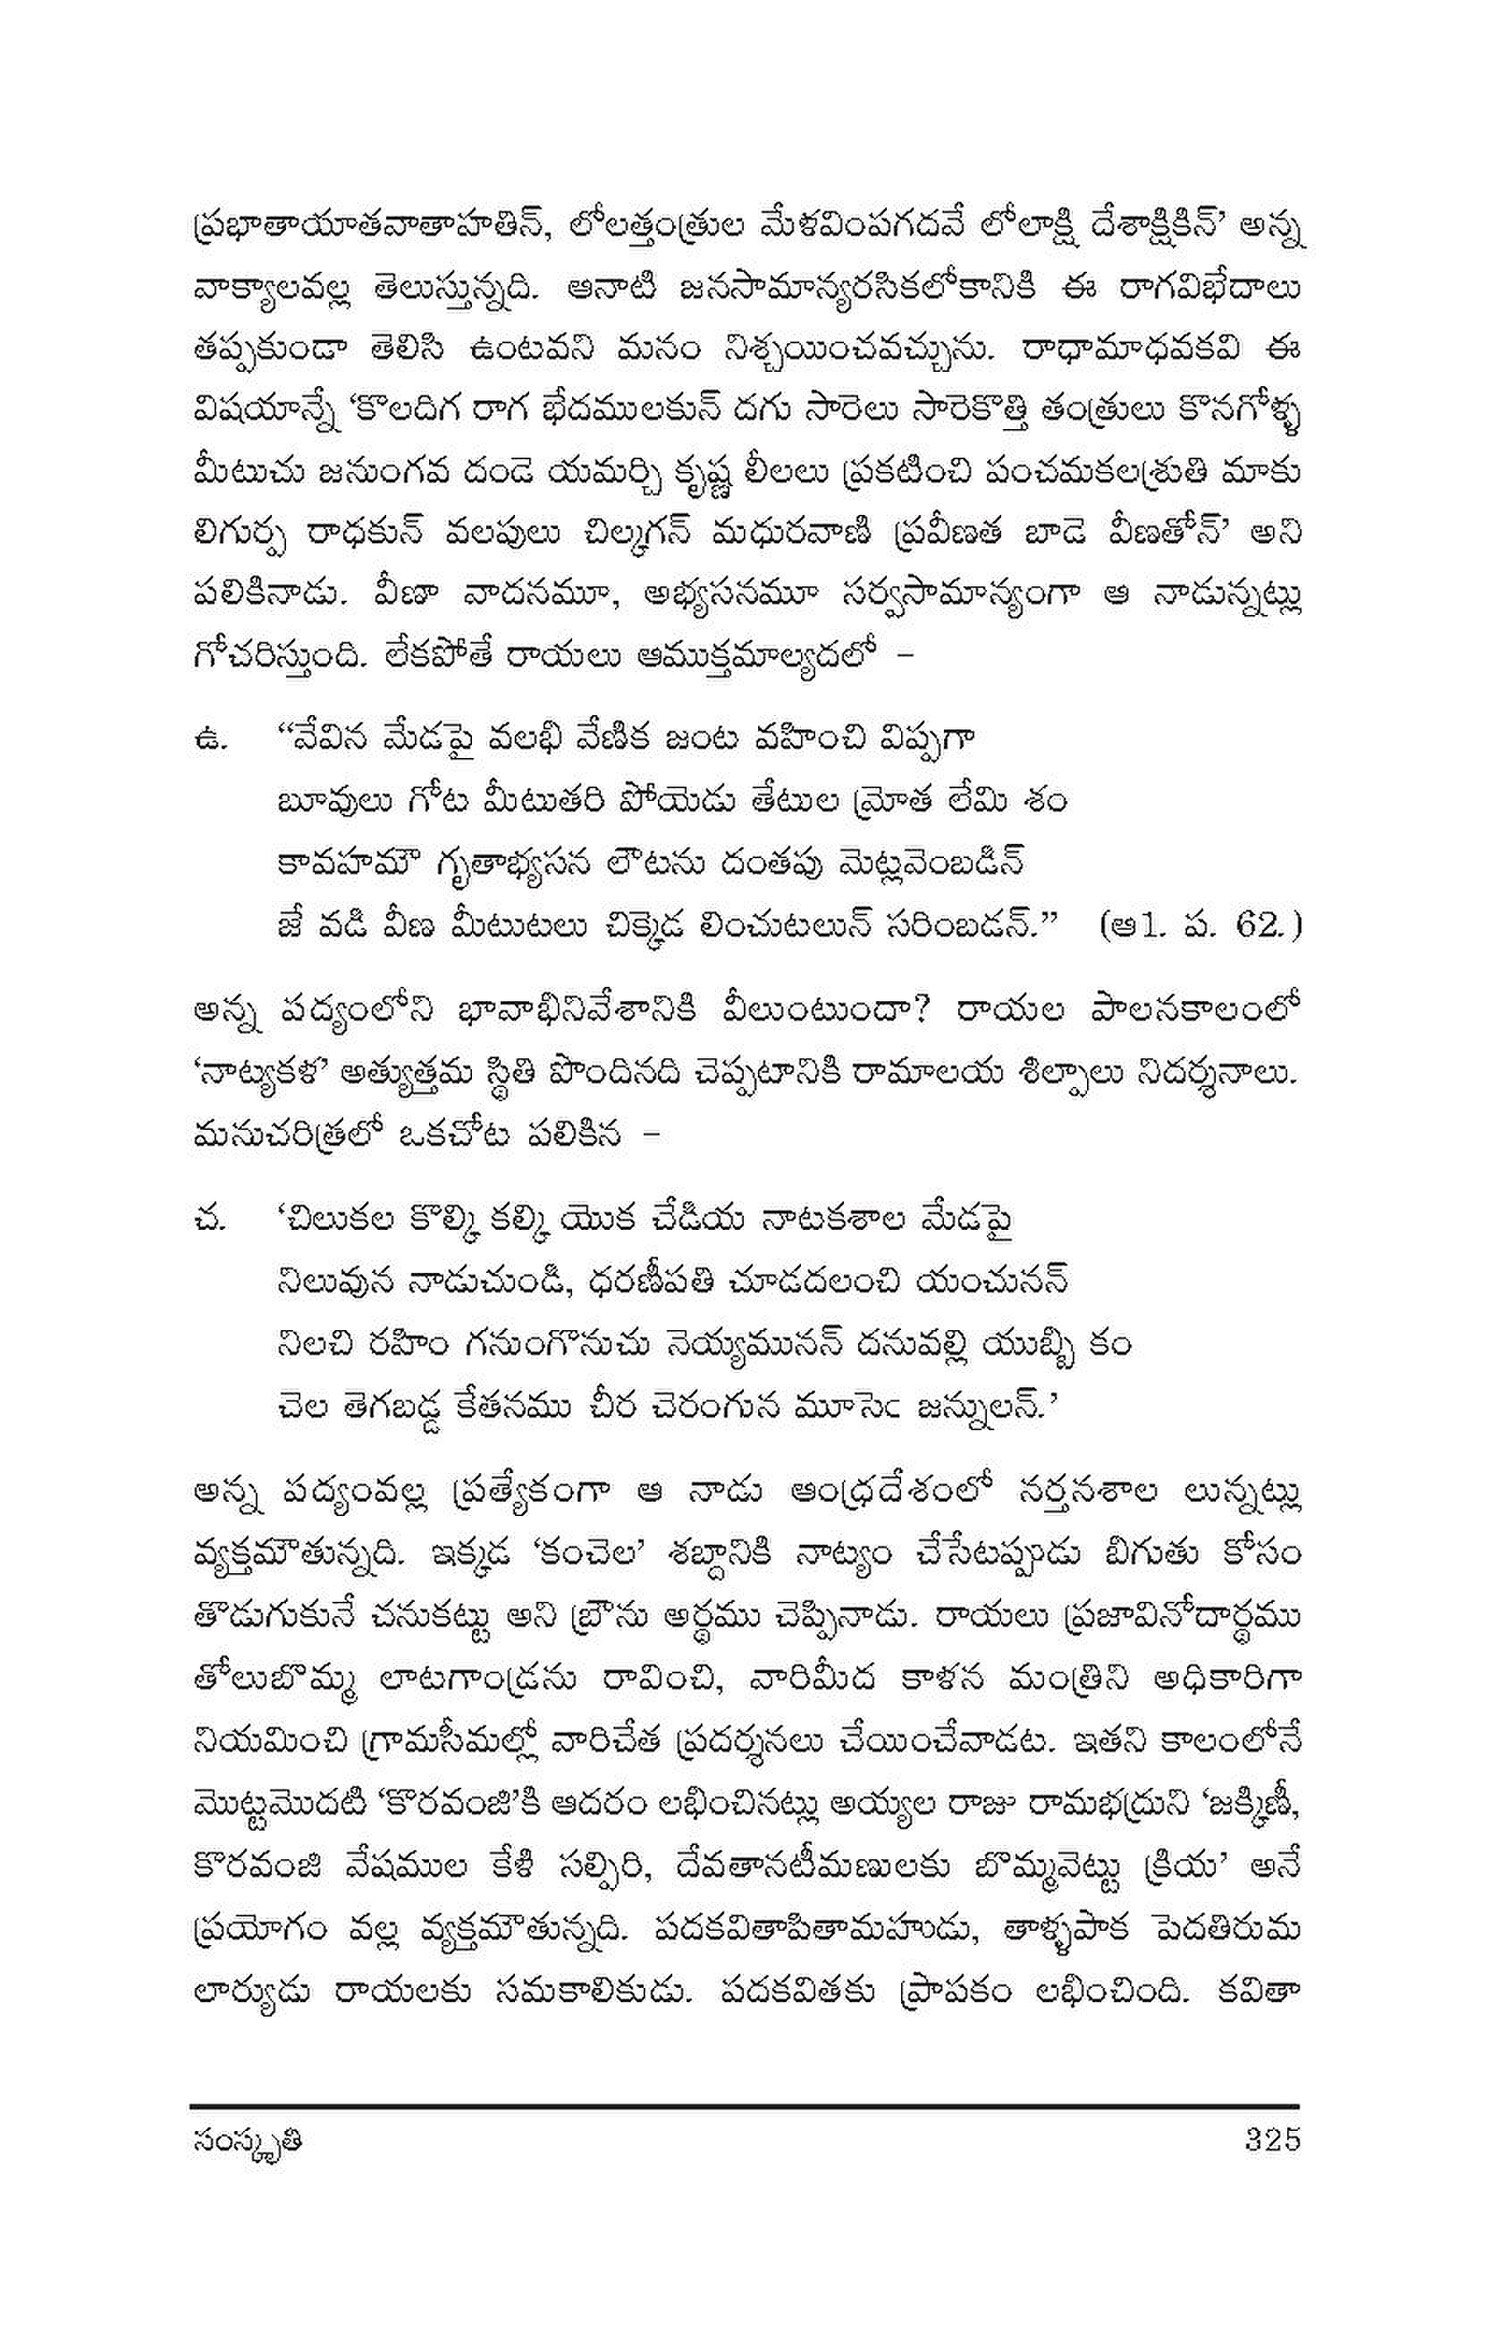ప్రభాతాయాతవాతాహతిన్, లోలత్తంత్రుల మేళవింపగదవే లోలాక్షి దేశాక్షికిన్' అన్న
వాక్యాలవల్ల తెలుస్తున్నది. ఆనాటి జనసామాన్యరసికలోకానికి ఈ రాగవిభేదాలు
తప్పకుండా తెలిసి ఉంటవని మనం నిశ్చయించవచ్చును. రాధామాధవకవి ఈ
విషయాన్నే 'కొలదిగ రాగ భేదములకున్ దగు సారెలు సారెకొత్తి తంత్రులు కొనగోళ్ళ
మీటుచు జనుంగవ దండె యమర్చి కృష్ణ లీలలు ప్రకటించి పంచమకలశ్రుతి మాకు
లిగుర్ప రాధకున్ వలపులు చిల్కగన్ మధురవాణి ప్రవీణత బాడె వీణతోన్' అని
పలికినాడు. వీణా వాదనమూ, అభ్యసనమూ సర్వసామాన్యంగా ఆ నాడున్నట్లు
గోచరిస్తుంది. లేకపోతే రాయలు ఆముక్తమాల్యదలో -

ఉ. "వేవిన మేడపై వలభి వేణిక జంట వహించి విప్పగా
బూవులు గోట మీటుతరి పోయెడు తేటుల మ్రోత లేమి శం
కావహమౌ గృతాభ్యసన లౌటను దంతపు మెట్లవెంబడిన్
జే వడి వీణ మీటుటలు చిక్కెడ లించుటలున్ సరింబడన్.” (ఆ1. ప. 62.)

అన్న పద్యంలోని భావాభినివేశానికి వీలుంటుందా? రాయల పాలనకాలంలో
'నాట్యకళ' అత్యుత్తమ స్థితి పొందినది చెప్పటానికి రామాలయ శిల్పాలు నిదర్శనాలు.
మనుచరిత్రలో ఒకచోట పలికిన -

చ. 'చిలుకల కొల్కి కల్కి యొక చేడియ నాటకశాల మేడపై
నిలువున నాడుచుండి, ధరణీపతి చూడదలంచి యంచునన్
నిలచి రహిం గనుంగొనుచు నెయ్యమునన్ దనువల్లి యుబ్బి కం
చెల తెగబడ్డ కేతనము చీర చెరంగున మూసెఁ జన్నులన్.'

అన్న పద్యంవల్ల ప్రత్యేకంగా ఆ నాడు ఆంధ్రదేశంలో నర్తనశాల లున్నట్లు
వ్యక్తమౌతున్నది. ఇక్కడ 'కంచెల' శబ్దానికి నాట్యం చేసేటప్పుడు బిగుతు కోసం
తొడుగుకునే చనుకట్టు అని బ్రౌను అర్థము చెప్పినాడు. రాయలు ప్రజావినోదార్థము
తోలుబొమ్మ లాటగాండ్రను రావించి, వారిమీద కాళన మంత్రిని అధికారిగా
నియమించి గ్రామసీమల్లో వారిచేత ప్రదర్శనలు చేయించేవాడట. ఇతని కాలంలోనే
మొట్టమొదటి 'కొరవంజి'కి ఆదరం లభించినట్లు అయ్యల రాజు రామభద్రుని 'జక్కిణీ,
కొరవంజి వేషముల కేళి సల్పిరి, దేవతానటీమణులకు బొమ్మవెట్టు క్రియ' అనే
ప్రయోగం వల్ల వ్యక్తమౌతున్నది. పదకవితాపితామహుడు, తాళ్ళపాక పెదతిరుమ
లార్యుడు రాయలకు సమకాలికుడు. పదకవితకు ప్రాపకం లభించింది. కవితా